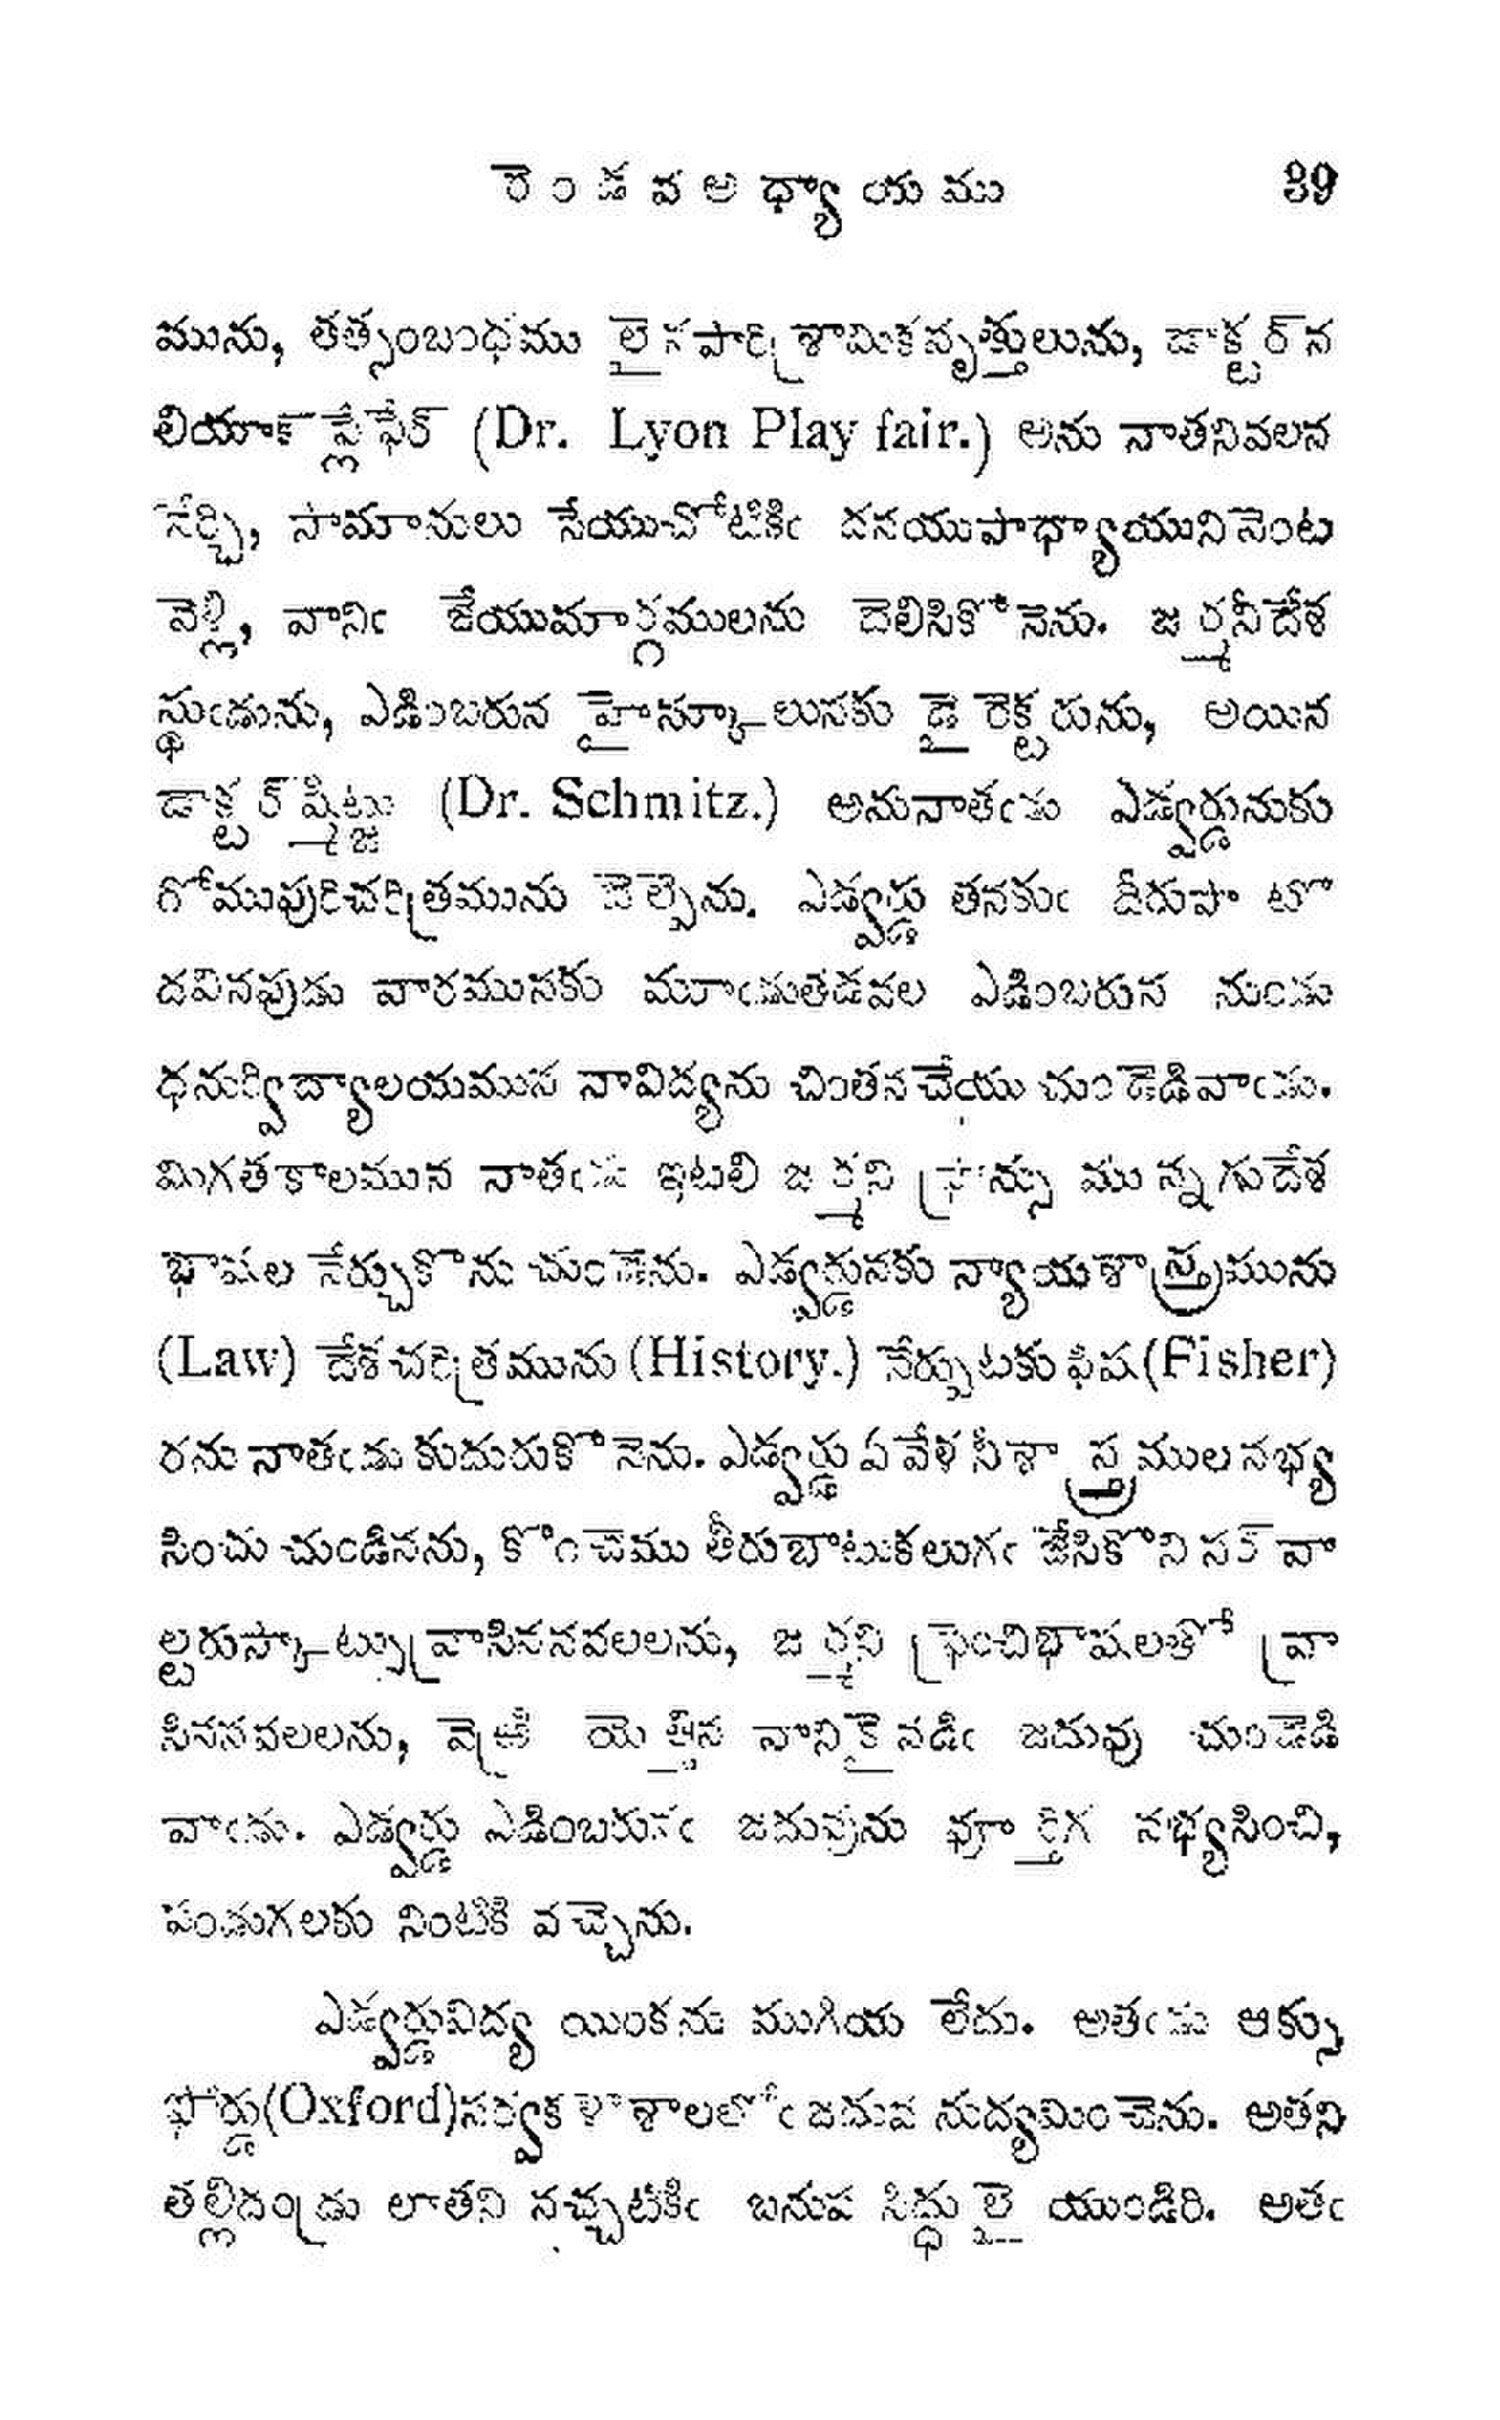మును, తత్సంబంధము లైన పారి శ్రామిక వృత్తులును, డాక్టర్ నలియాన్ ప్లే ఫేర్ (Dr. Lyon Play fair.) అను నాతనివలన నేర్చి, సామానులు సేయుచోటికిఁ దనయు సాధ్యాయుని వెంట వెళ్లి, వానిఁ జేయుమార్గములను దెలిసికోనెను. జర్మనీ దేశస్థుఁడును, ఎడింబరున హైస్కూలునకు డైరెక్టరును, అయిన డాక్టర్ షమిట్టు: (Dr. Schmitz.) అనునాతఁడు ఎడ్వర్డునుకు రోముపుచరిత్రమును దెల్చెను. ఎడ్వర్డు తనకుఁ దీరుపాటోదపినపుడు వారమునకు మూడుతడవల ఎడింబరుస నుండు
ధనుర్విద్యాలయమున నావిద్యను చింతన చేయు చుండెడివాడు. మిగత కాలమున నాతడు ఇటలి జర్మని ప్రాన్సు మున్నగుదేశ భాషలు నేర్చుకొను చుండెను. ఎడ్వడ్లునకు న్యాయశాస్త్రమును
(Law) దేశచత్రమును (History.) నేర్చుటకు ఫేష(Fisher) రను నాతఁడు కుదురుకొనెను. ఎడ్వర్డు ఏ వేళ నీ శాస్త్రములన వలనభ్యసించు చుండినను, కొంచెము తీరుబాటు కలుగ జేసికొని సర్ వా
ట్టరుస్కాట్సు వ్రాసిన నవలలను, జర్మని ఫ్రెంచి భాషలతో వ్రాసినవవలలను, వెర్రి యెత్తిన వానికై నడీఁ జదువు చుండెడి వాడు. ఎడ్వర్డు ఎడింబరు జదువును పూర్తిగ సభ్యసించి,
'పండుగలకు నింటికి వచ్చెను.

ఎడ్వర్డు విద్య యింకను ముగియ లేదు. అతను ఆక్సుఫోర్డు(Oxford)సర్వకళాశాలలోఁ జదుప నుద్యమించెను. అతని తల్లిదండ్రు లాతని నచ్చటికిఁ బనుపసిద్దు లై యుండిరి. అతఁ